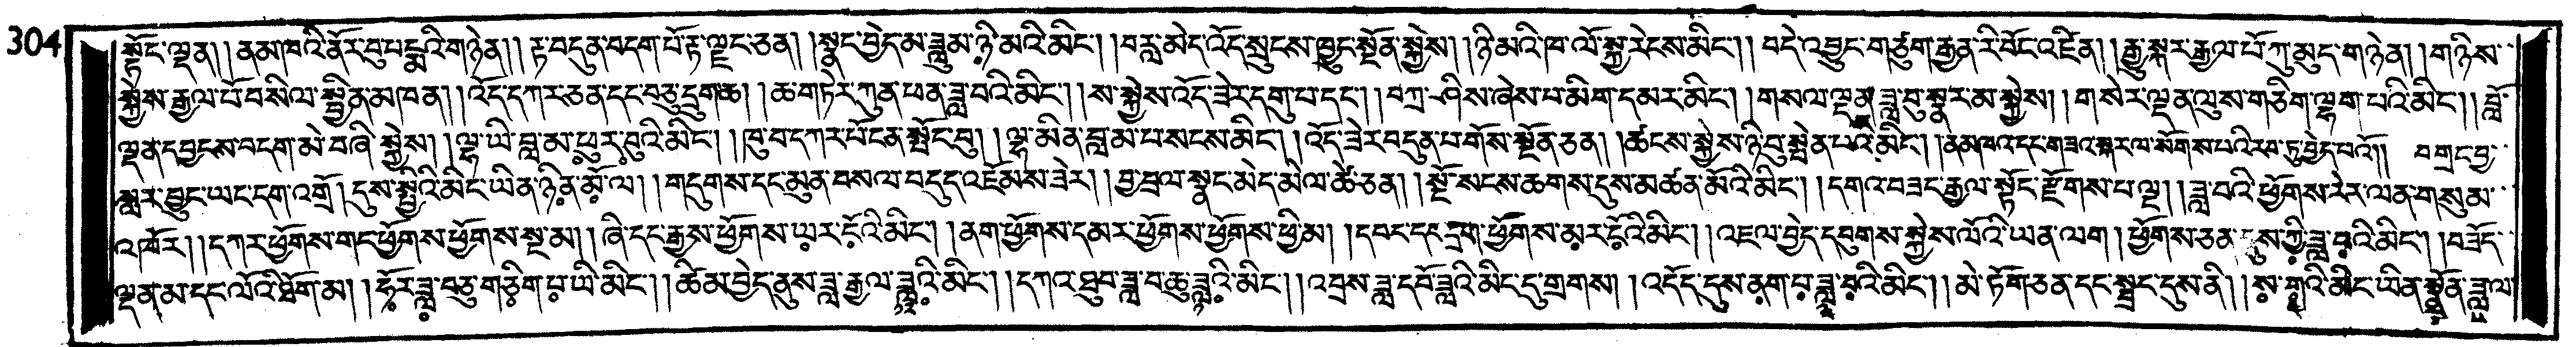སྟོང་ལྡན། །ནམ་ཁའི་ནོར་བུ་པདམའི་གཉེན། །རྟ་བདུན་བདག་པོ་རྟ་ལྗང་ཅན། །སྣང་བྱེད་མ་ཟླུམ་ཉི་མའི་མིང་། །བརླ་མེད་འོད་སྲུངས་ཁྱུང་སྔོན་སྐྱེས། །ཉི་མའི་ཁ་ལོ་སྐྱ་རེངས་མིང་། །བདེ་འབྱུང་གཙུག་རྒྱན་རི་བོང་འཛིན། །རྒྱུ་སྐར་རྒྱལ་པོ་ཀུ་མུད་གཉེན། །གཉིས་
སྐྱེས་རྒྱལ་པོ་བསིལ་སྦྱིན་མཁན། །འོད་དཀར་ཅན་དང་བཅུ་དྲུག་ཆ། །ཆ་གཏེར་ཀུན་ཕན་ཟླ་བའི་མིང་། །ས་སྐྱེས་འོད་ཟེར་དགུ་པ་དང་། །བཀྲ་ཤིས་ཞེས་པ་མིག་དམར་མིང་། །གསལ་ལྡན་ཟླ་བུ་སྣར་མ་སྐྱེས། །གསེར་ལྡན་ལུས་གཅིག་ལྷག་པའི་མིང་། །བློ་
ལྡན་དབྱངས་བདག་མེ་བཞི་སྐྱེས། །ལྷ་ཡི་བླ་མ་ཕུ྾ར྾་བུའི་མིང་། །ཁུ་བ་དཀར་པོ་ངན་སྤོང་བུ། །ལྷ་མིན་བླ་མ་པ་སངས་མིང་། །འོད་ཟེར་བདུན་པ་གོས་སྔོན་ཅན། །ཚངས་སྐྱེས་ཉི་བུ་སྤེན་པའི་མིང་། །ན་མཁའ་དང་གཟའ་སྐར་ལ་སོགས་པའི་རབ་ཏུ་བྱེད་པའོ།། བགྲང་བྱ་
སླར་བྱུང་ཡང་དག་འགྲོ། དུས་སྤྱིའི་མིང་ཡིན་ཉིན྾་མོ྾་ལ། །གདུགས་དང་མུན་བསལ་བདུད་འཇོམས་ཟེར། །བྱ་བྲལ་སྣང་མེད་མེལ་ཚེ་ཅན། །སྔོ་སངས་ཆགས་དུས་མཚན་མོའི་མིང་། །དགའ་བཟང་རྒྱལ་སྟོང་རྫོགས་པ་ལྔ། །ཟླ་བའི་ཕྱོགས་རེར་ལན་གསུམ་
འཁོར། །དཀར་ཕྱོགས་གང་ཕྱོགས་ཕྱོགས་སྔ་མ། །ཞི་དང་རྒྱས་ཕྱོགས་ཡར྾་ངོའི྾་མིང་། །ནག་ཕྱོགས་དམར་ཕྱོགས་ཕྱོགས་ཕྱི་མ། །དབང་དང་དྲག་ཕྱོགས་མར྾་ངོའི྾་མིང་། །འཇལ་བྱེད་དབུགས་སྐྱེས་ལོའི་ཡན་ལག །ཕྱོགས་ཅན་དུས་ཀྱི྾་ཟླ་བའི྾་མིང་། །བཟོད་
ལྡན་མ་དང་ལོའི་ཐོག་མ། །ཧོར྾་ཟླ྾་བཅུ་གཅིག྾་པ྾་ཡི་མིང་། །ཚིམ་བྱེད་ནུས་ཟླ་རྒྱལ་ཟླའི྾ ༡༢༠་མིང་། །དཀའ་ཐུབ་ཟླ་བ་ཆུ་ཟླའི྾ ༡མིང་། །འབྲས་ཟླ་དབོ་ཟླའི་མིང་དུ་གྲགས། །འདོད་དུས་ནག྾་པ྾་ཟླ ༣་བའི྾་མིང་། །མེ་ཏོག་ཅན་དང་སྦྲང་དུས་ནི། །ས྾་ག྾འི་མིང་ཡིན་སྣོན྾་ཟླྶ་ལ་